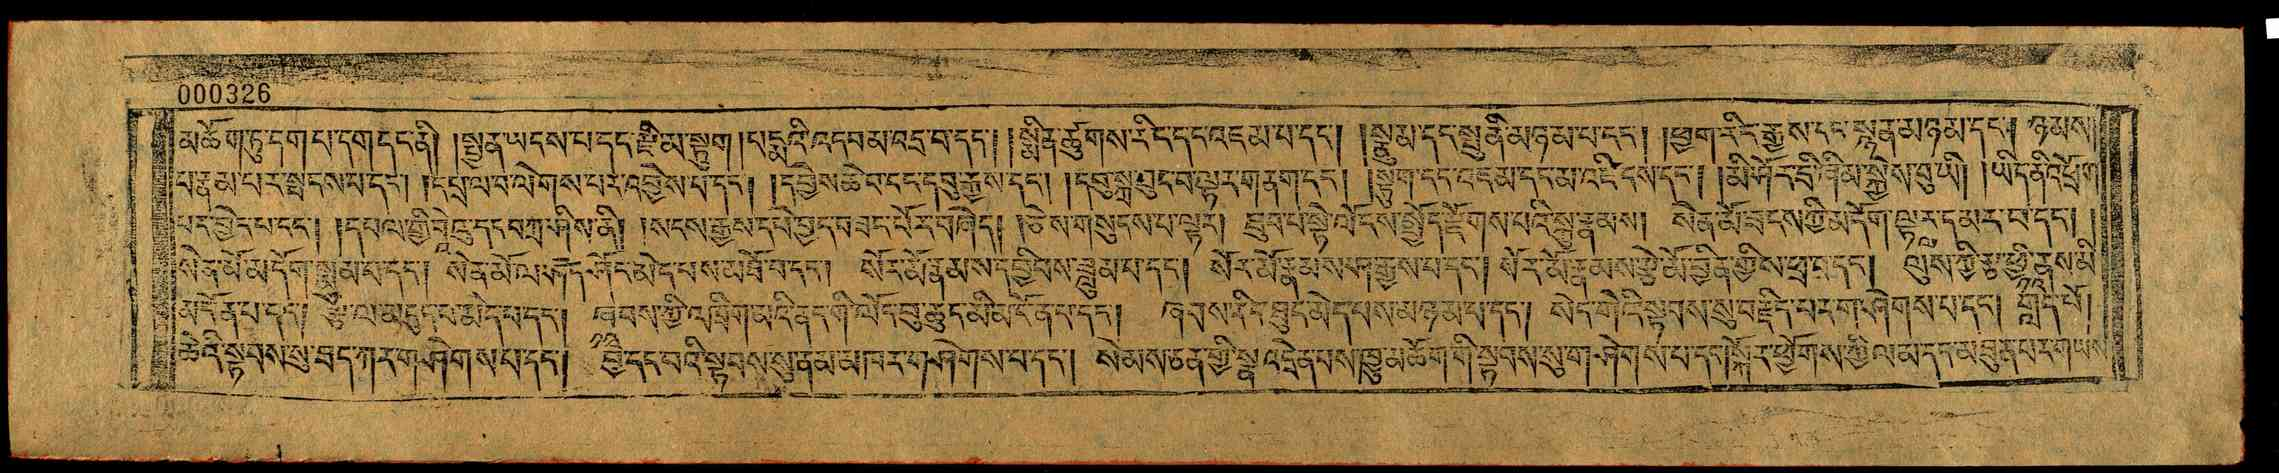མཆོག་ཏུ་དག་པ་དག་དང་ནི། །སྤྱན་ཡངས་པ་དང་རྫི་མ་སྟུག །པདམའི་འདབ་མ་འདྲ་བ་དང་། །སྨིན་ཚུགས་རིང་དང་འཇམ་པ་དང་། །སྣུམ་དང་སྤུ་ནི་མཉམ་པ་དང་། །ཕྱག་རིང་རྒྱས་དང་སྙན་མཉམ་དང་། ཉམས་
པ་རྣམ་པར་སྤངས་པ་དང་། །དཔྲལ་བ་ལེགས་པར་འབྱེས་པ་དང་། །དབྱེས་ཆེ་བ་དང་དབུ་རྒྱས་དང་། །དབུ་སྐྲ་བུང་བ་ལྟར་གནག་དང་། །སྟུག་དང་འཇམ་དང་མ་འཛིངས་དང་། །མི་ཤོར་དྲི་ཞིམ་སྐྱེས་བུ་ཡི། །ཡིད་ནི་འཕྲོག་
པར་བྱེད་པ་དང་། །དཔལ་གྱི་བེའུ་དང་བཀྲ་ཤིས་ནི། །སངས་རྒྱས་དཔེ་བྱད་བཟང་པོར་བཞེད། །ཅེས་གསུངས་པ་ལྟར། ཐུབ་པ་སྟེ་ལོངས་སྤྱོད་རྫོགས་པའི་སྐུ་རྣམས། ༡་སེན་མོ་ཟངས་ཀྱི་མདོག་ལྟར་དམར་བ་དང་།
༢་སིན་མོ་མདོག་སྣུམ་པ་དང་། ༣་སེན་མོ་ལ་ཤང་ཤོང་མེད་པས་མཐོ་བ་དང་། ༤་སོར་མོ་རྣམས་དབྱིབས་ཟླུམ་པ་དང་། ༥་སོར་མོ་རྣམས་ཤ་རྒྱས་པ་དང་། ༦་སོར་མོ་རྣམས་རྩེ་མོ་བྱིན་གྱིས་ཕྲ་བ་དང་། ༧་ལུས་ཀྱི་རྩ་ཕྱི་ནས་མི་
མངོན་པ་དང་། རྩ་ལ་མདུད་པ་མེད་པ་དང་། ༩་ཞབས་ཀྱི་འཁྲིག་མའི་ནང་གི་ལོང་བུ་ཆུད་མི་མངོན་པ་དང་། ༡༠་ཞབས་རིང་ཐུང་མེད་པས་མཉམ་པ་དང་། ༡༡་སེང་གེའི་སྟབས་སུ་བརྗིད་པར་གཤེགས་པ་དང་། ༡༢་གླང་པོ་
ཆེའི་སྟབས་སུ་ཐད་ཀར་གཤེགས་པ་དང་། ༡༣་བྱ་དང་པའི་སྟབས་སུ་ནམ་མཁར་གཤེགས་པ་དང་། སེམས་ཅན་གྱི་སྣ་འདྲེན་པས ༡༤་ཁྱུ་མཆོག་གི་སྟབས་སུ་གཤེགས་པ་དང་། སྐོར་ཕྱོགས་ཀྱི་ལམ་དང་མཐུན་བར ༡༥་གཡས་